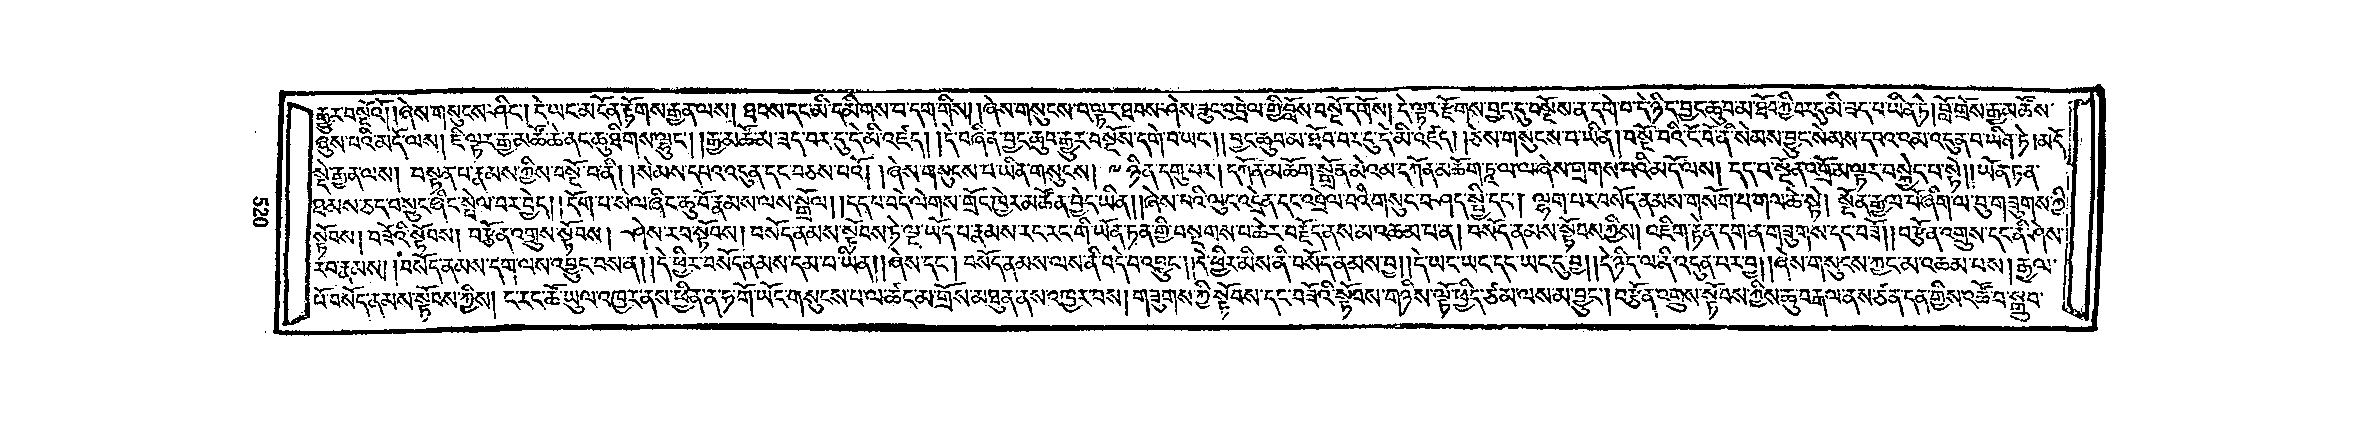རྒྱུར་བསྔོའོ། །ཞེས་གསུངས་ཤིང་། དེ་ཡང་མངོན་རྟོགས་རྒྱན་ལས། ཐབས་དང་མི་དམིགས་པ་དག་གིས། །ཞེས་གསུངས་པ་ལྟར་ཐབས་ཤེས་ཟུང་འབྲེལ་གྱི་བློས་བསྔོ་དགོས། དེ་ལྟར་རྫོགས་བྱང་དུ་བསྔོས་ན་དགེ་བ་དེ་ཉིད་བྱང་ཆུབ་མ་ཐོབ་ཀྱི་བར་དུ་མི་ཟད་པ་ཡིན་ཏེ། བློ་གྲོས་རྒྱ་མཚོས་
ཞུས་པའི་མདོ་ལས། ཇི་ལྟར་རྒྱ་མཚོ་ཆེ་ནང་ཆུ་ཐིགས་ལྷུང་། །རྒྱ་མཚོ་མ་ཟད་བར་དུ་དེ་མི་འཛད། །དེ་བཞིན་བྱང་ཆུབ་རྒྱུར་བསྔོས་དགེ་བ་ཡང་། །བྱང་ཆུབ་མ་ཐོབ་པར་དུ་དེ་མི་འཛད། །ཅེས་གསུངས་པ་ཡིན། བསྔོ་བའི་ངོ་བོ་ནི་སེམས་བྱུང་སེམས་དབའ་འམ་འདུན་པ་ཡིན་ཏེ། མདོ་
སྡེ་རྒྱན་ལས། བསྟན་པ་རྣམས་ཀྱིས་བསྔོ་བ་ནི། །སེམས་དཔའ་འདུན་དང་བཅས་པའོ། །ཞེས་གསུངས་པ་ཡིན་གསུངས། ༧ཉིན་དགུ་པར། དཀོན་མཆོག་སྒྲོན་མེའམ་དཀོན་མཆོག་ཏཱ་ལ་ལ་ཞེས་གྲགས་པའི་མདོ་ལས། དད་པ་སྔོན་འགྲོ་མ་ལྟར་བསྐྱེད་པ་སྟེ། །ཡོན་ཏན་
ཐམས་ཅད་བསྲུང་ཞིང་སྤེལ་བར་བྱེད། །དོག་པ་སེལ་ཞིང་ཆུ་བོ་རྣམས་ལས་སྒྲོལ། །དད་པ་བདེ་ལེགས་གྲོང་ཁྱེར་མཚོན་བྱེད་ཡིན། །ཞེས་པའི་ལུང་འདྲེན་དང་འབྲེལ་བའི་གསུང་བཤད་སྤྱི་དང་། ལྷག་པར་བསོད་ནམས་གསོག་པ་གལ་ཆེ་སྟེ། སྔོན་རྒྱལ་པོ་ཞིག་ལ་བུ་གཟུགས་ཀྱི་
སྟོབས། བཟོའི་སྟོབས། བརྩོན་འགྲུས་སྟོབས། ཤེས་རབ་སྟོབས། བསོད་ནམས་སྟོབས་ཏེ་ལྔ་ཡོད་པ་རྣམས་རང་རང་གི་ཡོན་ཏན་གྱི་བསྔགས་པ་ཆེར་བརྗོད་ནས་མ་འཆམ་པ་ན། བསོད་ནམས་སྟོབས་ཀྱིས། འཇིག་རྟེན་དག་ན་གཟུགས་དང་བཟོ། །བརྩོན་འགྲུས་དང་ནི་ཤེས་
རབ་རྣམས། །བསོད་ནམས་དག་ལས་འབྱུང་བས་ན། །དེ་ཕྱིར་བསོད་ནམས་དམ་པ་ཡིན། །ཞེས་དང་། བསོད་ནམས་ལས་ནི་བདེ་བ་འབྱུང་། །དེ་ཕྱིར་མིས་ནི་བསོད་ནམས་བྱ། །དེ་ཡང་ཡང་དང་ཡང་དུ་བྱ། །དེ་ཉིད་ལ་ནི་འདུན་པར་བྱ། །ཞེས་གསུངས་ཀྱང་མ་འཆམ་པས། རྒྱལ་
པོ་བསོད་ནམས་སྟོབས་ཀྱིས། ང་རང་ཚོ་ཡུལ་འཁྱར་ནས་ཕྱིན་ན་ཧ་གོ་ཡོང་གསུངས་པ་ལ་ཚང་མ་གྲོས་མཐུན་ནས་འཁྱར་བས། གཟུགས་ཀྱི་སྟོབས་དང་བཟོའི་སྟོབས་གཉིས་ལྟོ་ཕྱིད་ཙམ་ལས་མ་བྱུང་། བརྩོན་འགྲུས་སྟོབས་ཀྱིས་ཆུ་བརྒལ་ནས་ཙན་དན་གྱིས་འཚོ་བ་སྒྲུབ་